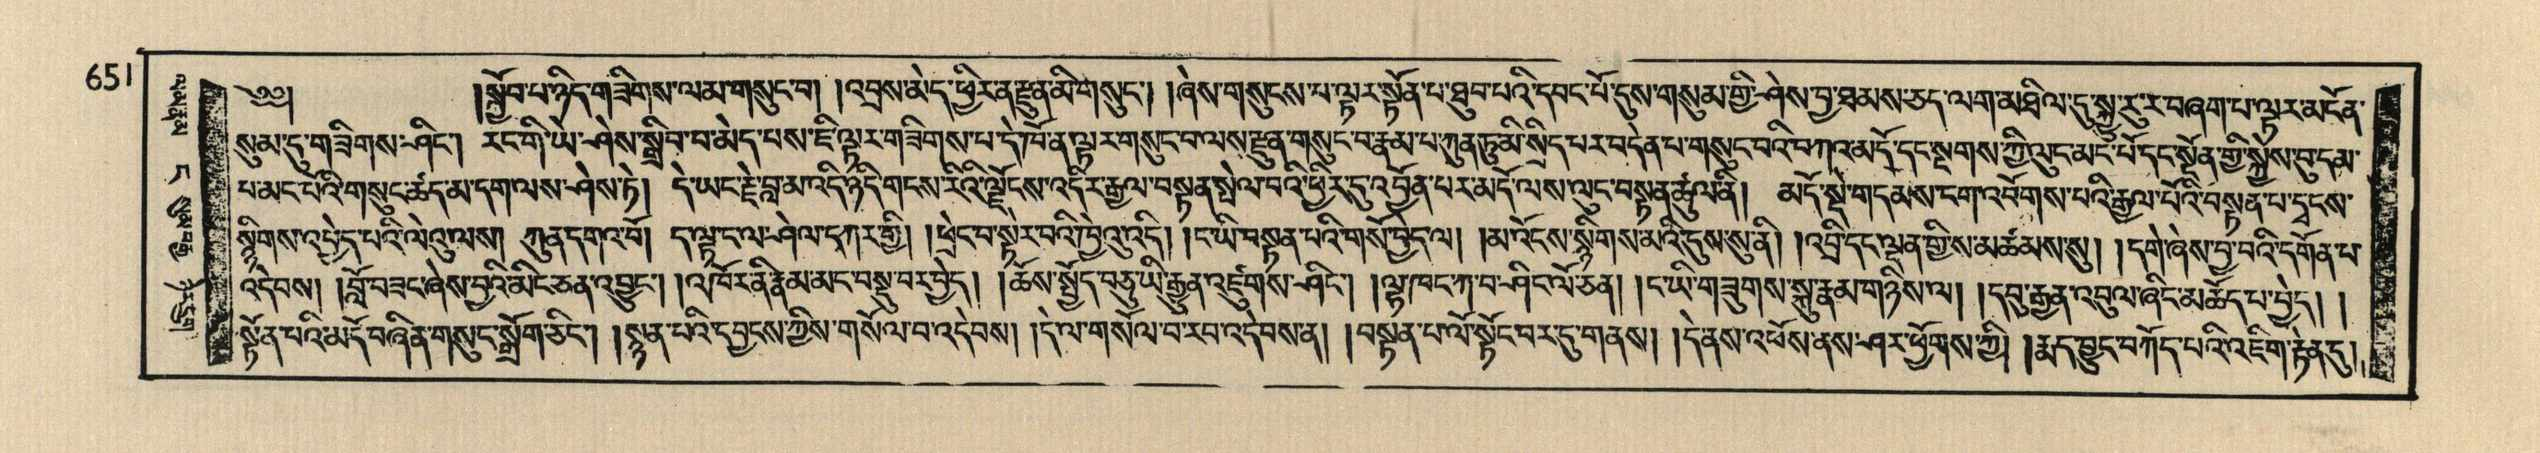༄༅། །སྐྱོབ་པ་ཉིད་གཟིགས་ལམ་གསུང་བ། །འབྲས་མེད་ཕྱིར་ན་རྫུན་མི་གསུང་། །ཞེས་གསུངས་པ་ལྟར་སྟོན་པ་ཐུབ་པའི་དབང་པོ་དུས་གསུམ་གྱི་ཤེས་བྱ་ཐམས་ཅད་ལག་མཐིལ་དུ་སྐྱུ་རུ་ར་བཞག་པ་ལྟར་མངོན་
སུམ་དུ་གཟིགས་ཤིང་། རང་གི་ཡེ་ཤེས་སྒྲིབ་པ་མེད་པས་ཇི་ལྟར་གཟིགས་པ་དེ་ཁོ་ན་ལྟར་གསུང་བ་ལས་རྫུན་གསུང་བ་རྣམ་པ་ཀུན་ཏུ་མི་སྲིད་པར་བདེན་པ་གསུང་བའི་བཀའ་མདོ་དང་སྔགས་ཀྱི་ལུང་མང་པོ་དང་སྔོན་གྱི་སྐྱེས་བུ་དམ་
པ་མང་པོའི་གསུང་ཚད་མ་དག་ལས་ཤེས་ཏེ། དེ་ཡང་རྗེ་བླ་མ་འདི་ཉིད་གངས་རིའི་ལྗོངས་འདིར་རྒྱལ་བསྟན་སྤེལ་བའི་ཕྱིར་དུ་འབྱོན་པར་མདོ་ལས་ལུང་བསྟན་ཚུལ་ནི། མདོ་སྡེ་གདམས་ངག་འབོགས་པའི་རྒྱལ་པོའི་བསྟན་པ་དྭངས་
སྙིགས་འབྱེད་པའི་ལེའུ་ལས། ཀུན་དགའ་བོ། ད་ལྟ་ང་ལ་ཤེལ་དཀར་གྱི། །ཕྲེང་བ་སྟེར་བའི་ཁྱེའུ་འདི། །ང་ཡི་བསྟན་པའི་གསོ་བྱེད་ལ། །མ་འོངས་སྙིགས་མའི་དུས་སུ་ནི། །འབྲི་དང་ལྡན་གྱི་ས་མཚམས་སུ། །དགེ་ཞེས་བྱ་བའི་དགོན་པ་
འདེབས། །བློ་བཟང་ཞེས་བྱའི་མིང་ཅན་འབྱུང་། །འཁོར་ནི་རྣམ་མང་བསྡུ་བར་བྱེད། །ཆོས་སྤྱོད་བཅུ་ཡི་རྒྱུན་འཛུགས་ཤིང་། །ལྷ་ཁང་ཀ་བ་ཤིང་ལོ་ཅན། །ང་ཡི་གཟུགས་སྐུ་རྣམ་གཉིས་ལ། །དབུ་རྒྱན་འབུལ་ཞིང་མཆོད་པ་བྱེད། །
སྟོན་པའི་མདོ་བཞིན་གསུང་སྒྲོག་ཅིང་། །སྙན་པའི་དབྱངས་ཀྱིས་གསོལ་བ་འདེབས། །དེ་ལ་གསོལ་བ་རབ་འདེབས་ན། །བསྟན་པ་ལོ་སྟོང་བར་དུ་གནས། །དེ་ནས་འཕོས་ནས་ཤར་ཕྱོགས་ཀྱི། །རྨད་བྱུང་བཀོད་པའི་འཇིག་རྟེན་དུ།